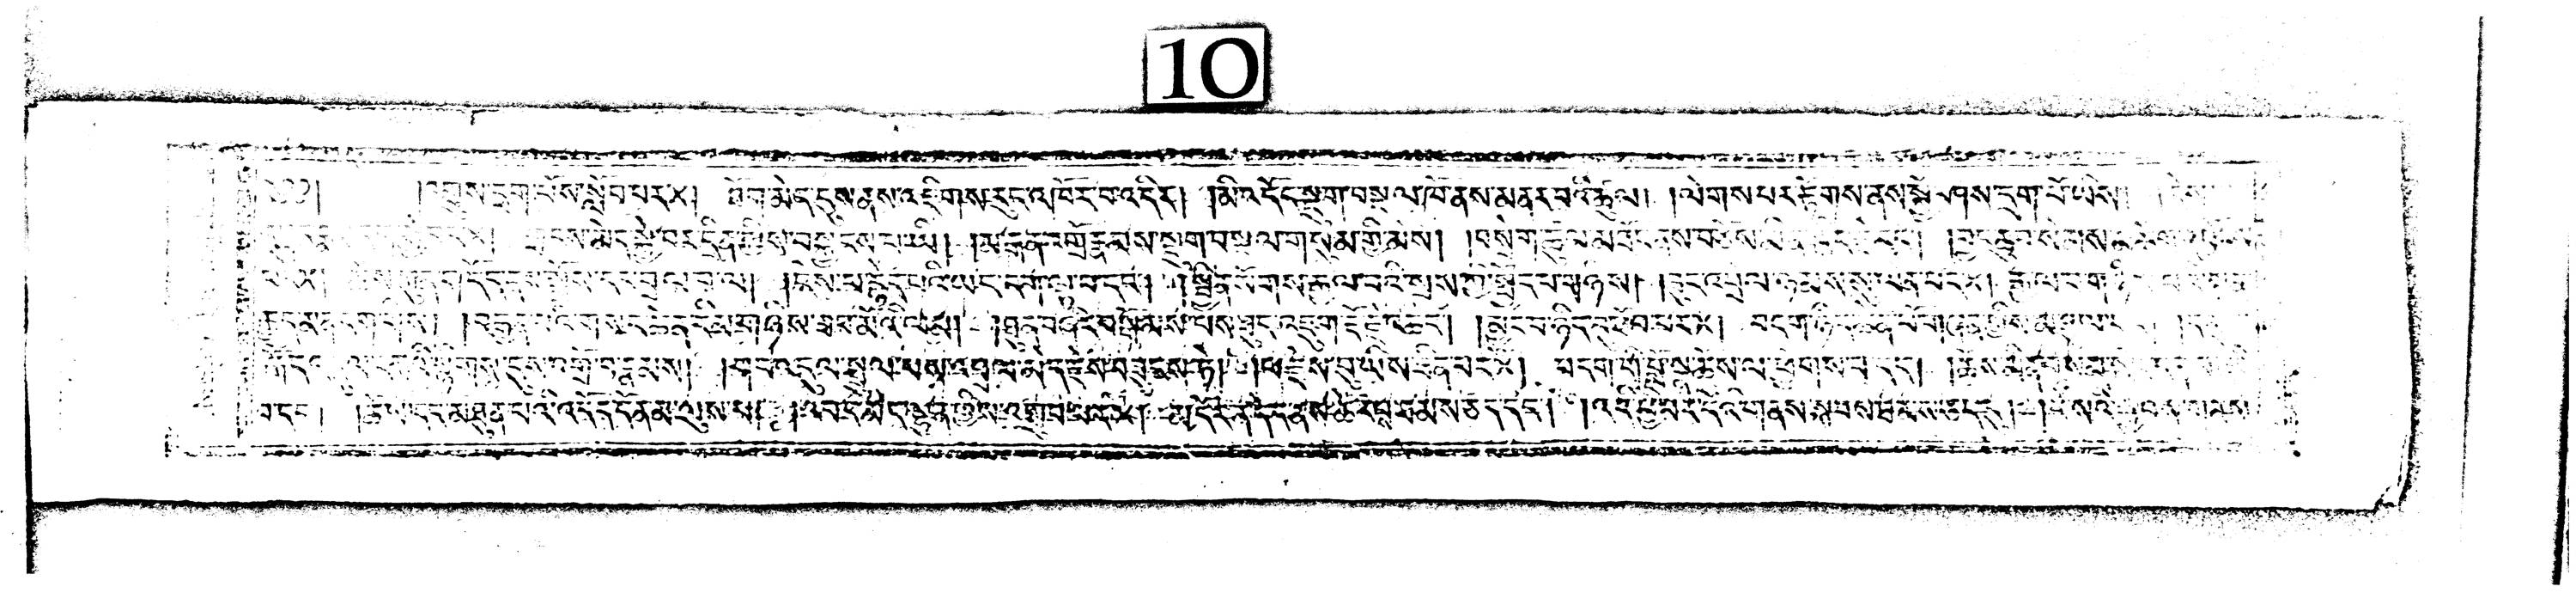༄༅། །འགྲུས་དྲག་པོས་སློབ་པར྾། ཐོག་མེད་དུས་ནས་འཇིགས་རུང་འཁོར་བ་འདིར། །མི་འདོད་སྡུག་བསྔལ་ཁོ་ནས་མནར་བའི་ཚུལ། །ལེགས་པར་རྟོགས་ནས་སྐྱོ་ཤས་དྲག་པོ་ཡིས། །དེས་
འབྱུང་རྣམ་དག་སྐྱེ་བར྾། གྲངས་མེད་སྐྱེ་བར་དྲིན་གྱིས་བསྐྱངས་པ་ཡི། །མ་རྒན་འགྲོ་རྣམས་སྡུག་བསྔལ་གསུམ་གྱི་མེས། །བསྲེག་ཚུལ་མཐོང་ནས་བཅོས་མིན་སྙིང་རྗེ་དང་། །བྱང་ཆུབ་སེམས་མཆོག་འབྱོངས་
པར྾། ཆོས་ཀུན་གདོད་ནས་སྤྲོས་དང་བྲལ་བ་ལ། །ངེས་པ་རྙེད་པའི་ཡང་དག་ལྟ་བ་དང་། །སྦྱིན་སོགས་རྒྱལ་བའི་སྲས་ཀྱི་སྤྱོད་པ་གཉིས། །ཟུང་འབྲེལ་ཉམས་སུ་ལེན་པར྾། རྒྱལ་བ་གཉིས་པའི་སྙན་
རྒྱུད་མན་ངག་གིས། །བརྒྱན་པའི་གསང་ཆེན་རིམ་གཉིས་ཟབ་མོའི་ལམ། །ཐུན་བཞིར་བསྒོམས་པས་ཟུང་འཇུག་རྡོ་རྗེ་འཆང་། །མྱུར་བ་ཉིད་དུ་ཐོབ་པར྾། བདག་ཉིད་ཆེན་པོ་གཞན་གྱིས་མ་ཐུལ་བའི། །དམ་
རྒོད་འདུལ་དཀའི་སྙིགས་དུས་འགྲོ་བ་རྣམས། །གང་འདུལ་སྤྲུལ་པས་འབྲལ་མེད་རྗེས་བཟུངས་ཏེ། །ཕ་རྗེས་བུ་ཡིས་ཟིན་པར྾། བདག་གི་བློ་སྣ་ཆོས་ལ་ཕྱོགས་པ་དང་། །ཆོས་མིན་བསམ་སྦྱོར་ངན་པ་ཞི་
བ་དང་། །ཆོས་དང་མཐུན་པའི་འདོད་དོན་མ་ལུས་པ། །འབད་མེད་ལྷུན་གྱིས་འགྲུབ་པར྾། མདོར་ན་དེང་ནས་ཚེ་རབས་ཐམས་ཅད་དང་། །འདི་ཕྱི་བར་དོའི་གནས་སྐབས་ཐམས་ཅད་དུ། །རེ་སའི་སྐྱབས་གནས་